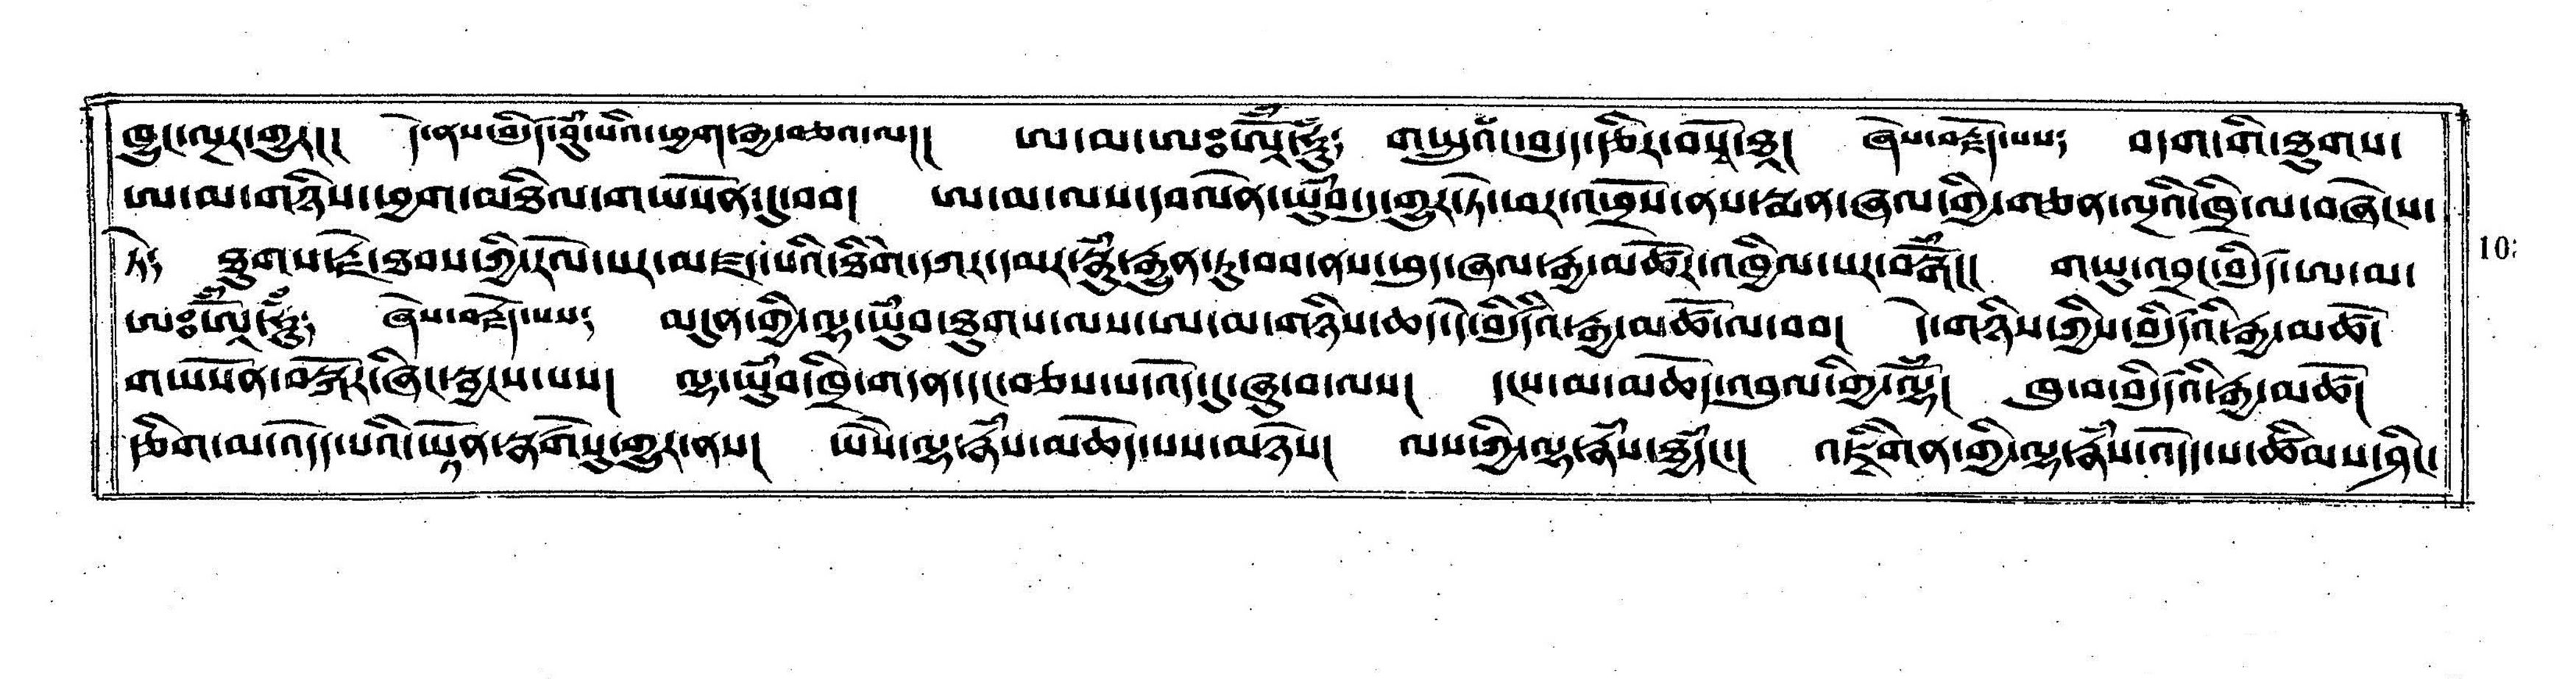ཁྱུང་ལྔར་གྱུར།། དེ་ནས་བདུད་རྩི་བུམ་པའི་ཕྱག་རྒྱ་བཅའ་ལ།། ཨ་མ་ཨཿཨཱོཾ་ཧཱུྃ གཡུ་འབྲང་བདུད་རྩིར་བསྭོ་ཐཱ། ཞེས་བརྗོད་པས བདག་གི་ཐུགས་༼ཆད་པ་འདྲ༽
ཨ་མ་གཉིས་ཕྱག་མཐིལ་གཡས་གཡོན་དུ་བབ། ཨ་མ་ལས་དབལ་ཆེན་ཡབ་ཡུམ་དུ་གྱུར་ཏེ་ཕར་འཕྲོས་ནས་སྨན་ཞལ་གྱི་གཅན་ལྔའི་ཁྲི་ལ་བཞེངས་
ཏེ། ཐུགས་རྗེ་ཐབས་ཀྱི་རོལ་པར་མཛད་པའི་ཐིག་ལེ་དཀར་དམར་སྣུམ་རྒྱུན་ཏུ་བབ་ནས་ཕུད་ཞལ་རྒྱ་མཚོར་འཁྱིལ་པར་བསྒོམ།། གཡུ་འབྲང་བདུད་རྩི་ཨ་མ་
ཨཿཨཱོཾ་ཧཱུྃ ཞེས་བརྗོད་པས མདུན་གྱི་ལྷ་ཡབ་ཡུམ་ཐུགས་ལས་ཨ་མ་གཉིས་ཆད་དེ་བདུད་རྩིའི་རྒྱ་མཚོ་ལ་བབ། དེ་གཉིས་ཀྱིས་བདུད་རྩིའི་རྒྱ་མཚོ་
གཡས་གཡོན་བསྐོར་ཞིང་སྦྱངས་པས། ལྷ་ཡབ་ཡུམ་ཁྲི་གདན་དང་བཅས་པ་འོད་དུ་ཞུ་བ་ལས། དངས་མ་མཆོད་འབུལ་གྱི་ལྷ་མོ། ཁུ་བ་བདུད་རྩིའི་རྒྱ་མཚོ། 
རྩིག་མ་འདོད་པའི་ཡོན་ཏན་སྣ་ཚོགས་སུ་གྱུར་ནས། ཡེ་ཤེས་ལྷ་རྣམས་མཆོད་པས་མཉེས། ལས་ཀྱི་ལྷ་རྣམས་ཐུགས་དང་བསྐང་། འཇིག་རྟེན་གྱི་ལྷ་རྣམས་འདོད་པ་ཚིམས་ཤིང་